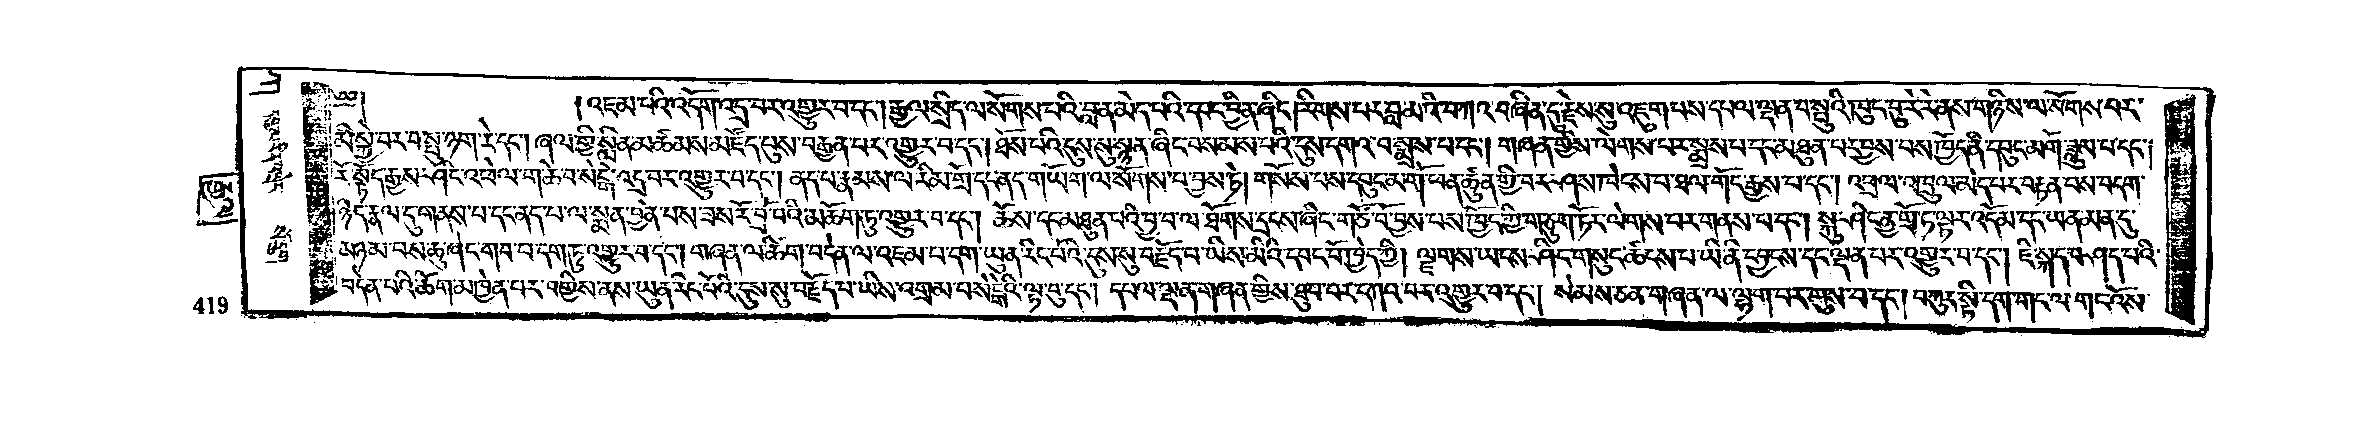༄༅། །འཇམ་པའི་འདོག་འདྲ་བར་འགྱུར་བ་དང་། རྒྱལ་སྲིད་ལ་སོགས་པའི་བླ་ན་མེད་པའི་དབང་བྱིན་ཞིང་། རིགས་པར་བླ་མའི་བཀའ་བཞིན་དུ་རྗེས་སུ་འཇུག་པས་དཔལ་ལྡན་པ་སྤུའི་ཁུང་བུ་རེ་རེ་ནས་གཉིས་ལ་སོགས་པར་
མི་སྐྱེ་བར་བ་སྤུ་ཉག་རེ་དང་། ཞལ་གྱི་སླིན་མཚམས་མཛོད་པུས་བརྒྱན་པར་འགྱུར་བ་དང་། ཐོས་པའི་དུས་སུ་སྙན་ཞིང་བསམས་པའི་དུས་དགའ་བ་སྨྲས་པ་དང་། གཞན་གྱིས་ལེགས་པར་སྨྲས་པ་དང་མཐུན་པར་བྱས་པས་ཁྱོད་ནི་དཔུང་མགོ་ཟླུམ་པ་དང་།
རོ་སྟོད་རྒྱས་ཤིང་འཕེལ་ག་ཆེ་བ་སེངགེ་འདྲ་བར་འགྱུར་བ་དང་། ནད་པ་རྣམས་ལ་རིམ་གྲོ་དང་ནད་གཡོག་ལ་སོགས་པ་བྱས་ཏེ། གསོས་པས་དབུང་མགོ་ཕན་ཚུན་གྱི་བར་ཤས་ཁེངས་པ་ཐལ་གོང་རྒྱས་པ་དང་། འཕྲལ་འཁྲུལ་མེད་པར་བརྟན་པས་བདག་
ཉིད་རྣལ་དུ་གནས་པ་དང་ནད་པ་ལ་སྨན་བྱིན་པས་ཟས་རོ་བྲོ་བའི་མཆོག་ཏུ་འགྱུར་བ་དང་། ཆོས་དང་མཐུན་པའི་བྱ་བ་ལ་ཐོགས་དྲངས་ཞིང་གཙོ་བོ་བྱས་པས་ཁྱོད་ཀྱི་གཙུག་ཏོར་ལེགས་པར་གནས་པ་དང་། སྐུ་ཤིང་ནཡ་གྲོ་ཏ་ལྟར་འདོམ་དང་ཡན་མན་དུ་
མཉམ་པས་ཆུ་ཞེང་གབ་པ་དག་ཏུ་འགྱུར་བ་དང་། གཞན་ལ་ཚིག་བདེན་ལ་འཇམ་པ་དག་ཡུན་རིང་པོའི་དུས་སུ་བརྗོད་པ་ཡིས་མིའི་དབང་པོ་ཁྱེད་ཀྱི། ལྗགས་ཡངས་ཤིང་གསུང་ཚངས་པ་ཡི་ནི་དབྱངས་དང་ལྡན་པར་འགྱུར་བ་དང་། ཇི་སྐད་བཤད་པའི་
བདེན་པའི་ཚིག་མཁྱེན་པར་བགྱིས་ནས་ཡུན་རིང་པོའི་དུས་སུ་བརྗོད་པ་ཡིས་འགྲམ་པ་སེངགེའི་ལྟ་བུ་དང་། དཔལ་ལྡན་གཞན་གྱིས་ཐུབ་པར་དཀའ་བར་འགྱུར་བ་དང་། སེམས་ཅན་གཞན་ལ་ལྷག་པར་གུས་པ་དང་། བཀུར་སྟི་དག་གང་ལ་གང་འོས་